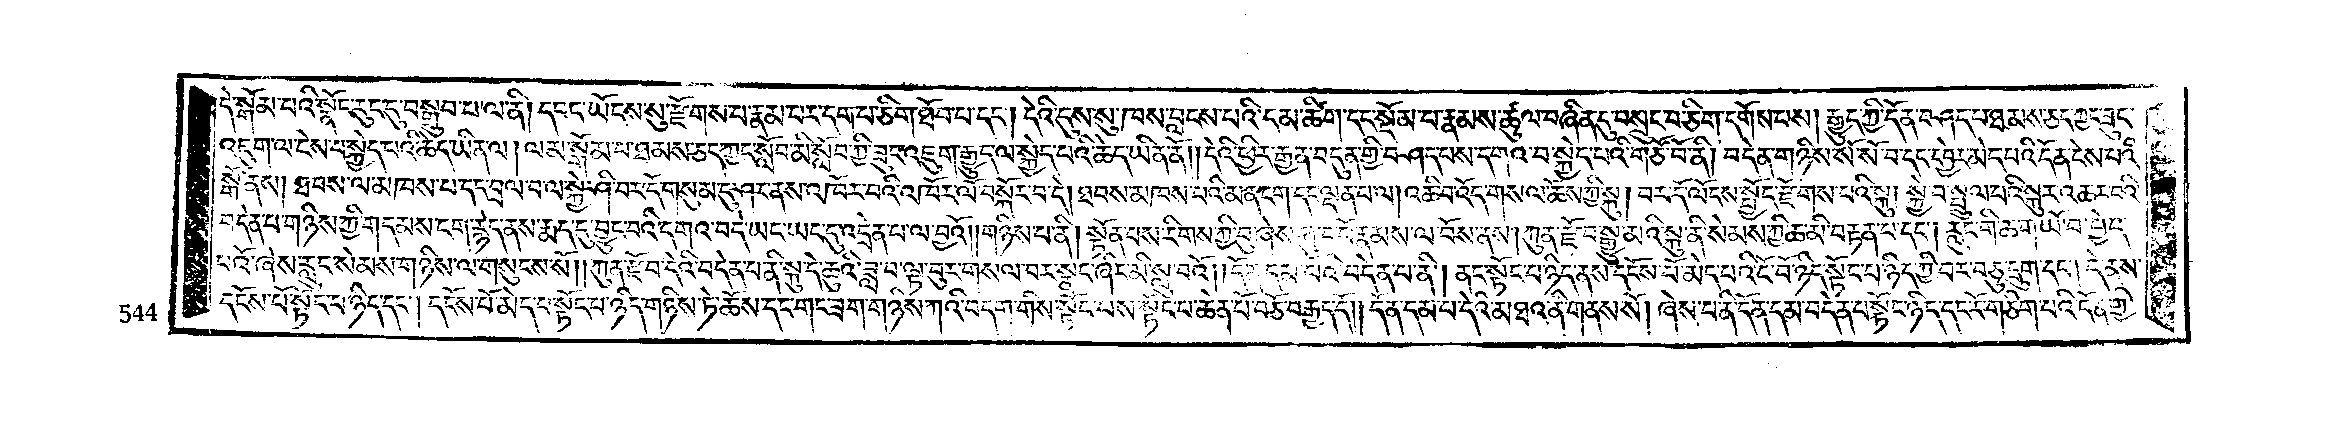དེ་སྒོམ་པའི་སྣོད་རུང་དུ་བསྒྲུབ་པ་ལ་ནི། དབང་ཡོངས་སུ་རྫོགས་པ་རྣམ་པར་དག་པ་ཅིག་ཐོབ་པ་དང་། དེའི་དུས་སུ་ཁས་བླངས་པའི་དམ་ཚིག་དང་སྡོམ་པ་རྣམས་ཚུལ་བཞིན་དུ་བསྲུང་བ་ཅིག་དགོས་པས། རྒྱུད་ཀྱི་དོན་བཤད་པ་ཐམས་ཅད་ཀྱང་ཟུང་
འཇུག་ལ་ངེས་པ་སྐྱེད་པའི་ཆེད་ཡིན་ལ། ལམ་སྒོམ་པ་ཐམས་ཅད་ཀྱང་སློབ་མི་སློབ་ཀྱི་ཟུང་འཇུག་རྒྱུད་ལ་སྐྱེད་པའི་ཆེད་ཡིན་ནོ། །དེའི་ཕྱིར་རྒྱན་བདུན་གྱི་བཤད་པས་དགའ་བ་སྐྱེད་པའི་གཙོ་བོ་ནི། བདེན་གཉིས་སོ་སོ་བ་དང་དབྱེར་མེད་པའི་དོན་ངེས་པའི་
སྒོ་ནས། ཐབས་ལ་མཁས་པ་དང་བྲལ་བ་ལ་སྐྱེ་ཤི་བར་དོ་གསུམ་དུ་ཤར་ནས་འཁོར་བའི་འཁོར་ལོ་བསྐོར་བ་དེ། ཐབས་མཁས་པའི་མན་ངག་དང་ལྡན་པ་ལ། འཆི་བ་འོད་གསལ་ཆོས་ཀྱི་སྐུ། བར་དོ་ལོངས་སྤྱོད་རྫོགས་པའི་སྐུ། སྐྱེ་བ་སྤྲུལ་པའི་སྐུར་འཆར་བའི་
བདེན་པ་གཉིས་ཀྱི་གདམས་ངག་རྙེད་ནས་རྨད་དུ་བྱུང་བའི་དགའ་བདེ་ཡང་ཡང་དུ་འདྲེན་པ་ལ་བྱའོ། །གཉིས་པ་ནི། སྟོན་པས་རིགས་ཀྱི་བུ་ཞེས་ཞུ་བ་པོ་རྣམས་ལ་བོས་ནས། ཀུན་རྫོབ་སྒྱུ་མའི་སྐུ་ནི་སེམས་ཀྱི་ཆ་མི་བརྟན་པ་དང་། རླུང་གི་ཆ་གཡོ་བ་བྱེད་
པའོ་ཞེས་རླུང་སེམས་གཉེས་ལ་གསུངས་སོ། །ཀུན་རྫོབ་དེའི་བདེན་པ་ནི་སྐུ་དེ་ཆུའི་ཟླ་བ་ལྟ་བུར་གསལ་བར་སྣང་ཞིང་མི་སླུ་བའོ། །དོན་དམ་པའི་བདེན་པ་ནི། ནང་སྟོང་པ་ཉིད་ནས་དངོས་པོ་མེད་པའི་ངོ་བོ་ཉིད་སྟོང་པ་ཉིད་ཀྱི་བར་བཅུ་དྲུག་དང་། དེ་ནས་
དངོས་པོ་སྟོང་པ་ཉིད་དང་། དངོས་པོ་མེད་པ་སྟོང་པ་ཉིད་གཉིས་ཏེ་ཆོས་དང་གང་ཟག་གཉིས་ཀའི་བདག་གིས་སྟོང་པས་སྟོང་པ་ཆེན་པོ་བཅོ་བརྒྱད་དོ། །དོན་དམ་པ་དེའི་མཐའ་ནི་གནས་སོ། ཞེས་པ་ནི་དོན་དམ་བདེན་པ་སྟོང་ཉིད་དང་རོ་གཅིག་པའི་དོན་གྱི་